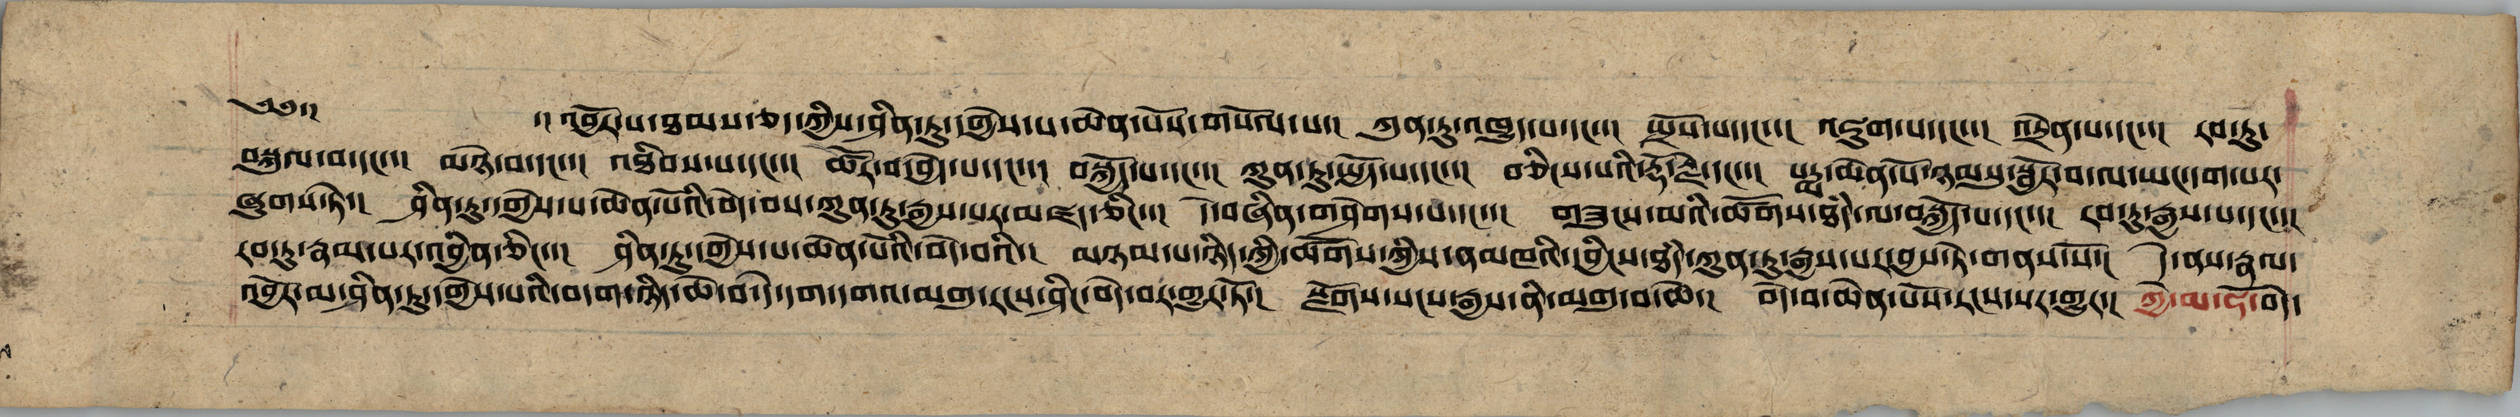༄༅་། ་།འབྱོར་པ་ཐམས་ཅད་ཀྱིས་ཤིན་ཏུ་དགྱེས་པ་ཆེན་པོས་གསོལ་པ་། ཀུན་ཏུ་འཁྱུད་པ་དང་་། སྤྲོས་པ་དང་་། འཇུག་པ་དང་་། འདྲེན་པ་དང་་། རབ་ཏུ་
བསྐུལ་བ་དང་་། མཉེ་བ་དང་་། འཐིབས་པ་དང་་། ཚོར་བར་བྱེད་པ་དང་་། བསྐྱོད་པ་དང་་། ཀུན་ཏུ་སྤྱོད་པ་དང་་། བཅིང་པའི་རྡོ་རྗེ་དང་་། པདྨ་ཆེན་པོ་ཉམསུ་སྦྱོར་བ་ལ་ཡང་དག་པར་
ཞུགས་ཏེ་། ཤིན་ཏུ་དགྱེས་པ་ཆེན་པོའི་བདེ་བས་ཀུན་ཏུ་རྒྱས་པར་མཛད་ཅིང་་། དེ་བཞིན་གཤེགས་པ་དང་་། གཟུངས་མའི་ཚོགས་ཐཾད་ལ་བསྐྱོད་པ་དང་་། རབ་ཏུ་རྒྱས་པ་དང་་།
རབ་ཏུ་རྣམ་པར་འབྱིན་ཅིང་་། ཤིན་ཏུ་དགྱེས་པ་ཆེན་པོའི་བདེ་བའི་། མཉམ་པ་ཉིད་ཀྱི་ཚོགས་ཀྱིས་ནམཁའི་དབྱིངས་ཐཾད་ཀུན་ཏུ་རྒྱས་པར་བྱས་ཏེ་གནས་སོ་། དེ་ནས་རྣལ་
འབྱོར་ལ་ཤིན་ཏུ་དགྱེས་པའི་བདག་ཉིད་ཆེ་བ་དེ་དག་དགའ་མགུ་རངས་ཤིང་བདེ་བར་གྱུར་ཏོ་། སྫོགས་སངས་རྒྱས་ནི་མགུ་བ་ཆེ་། བདེ་བ་ཆེན་པོས་རངས་པར་གྱུར་། ཀྱེ་མ་ཧོ་བདེ་